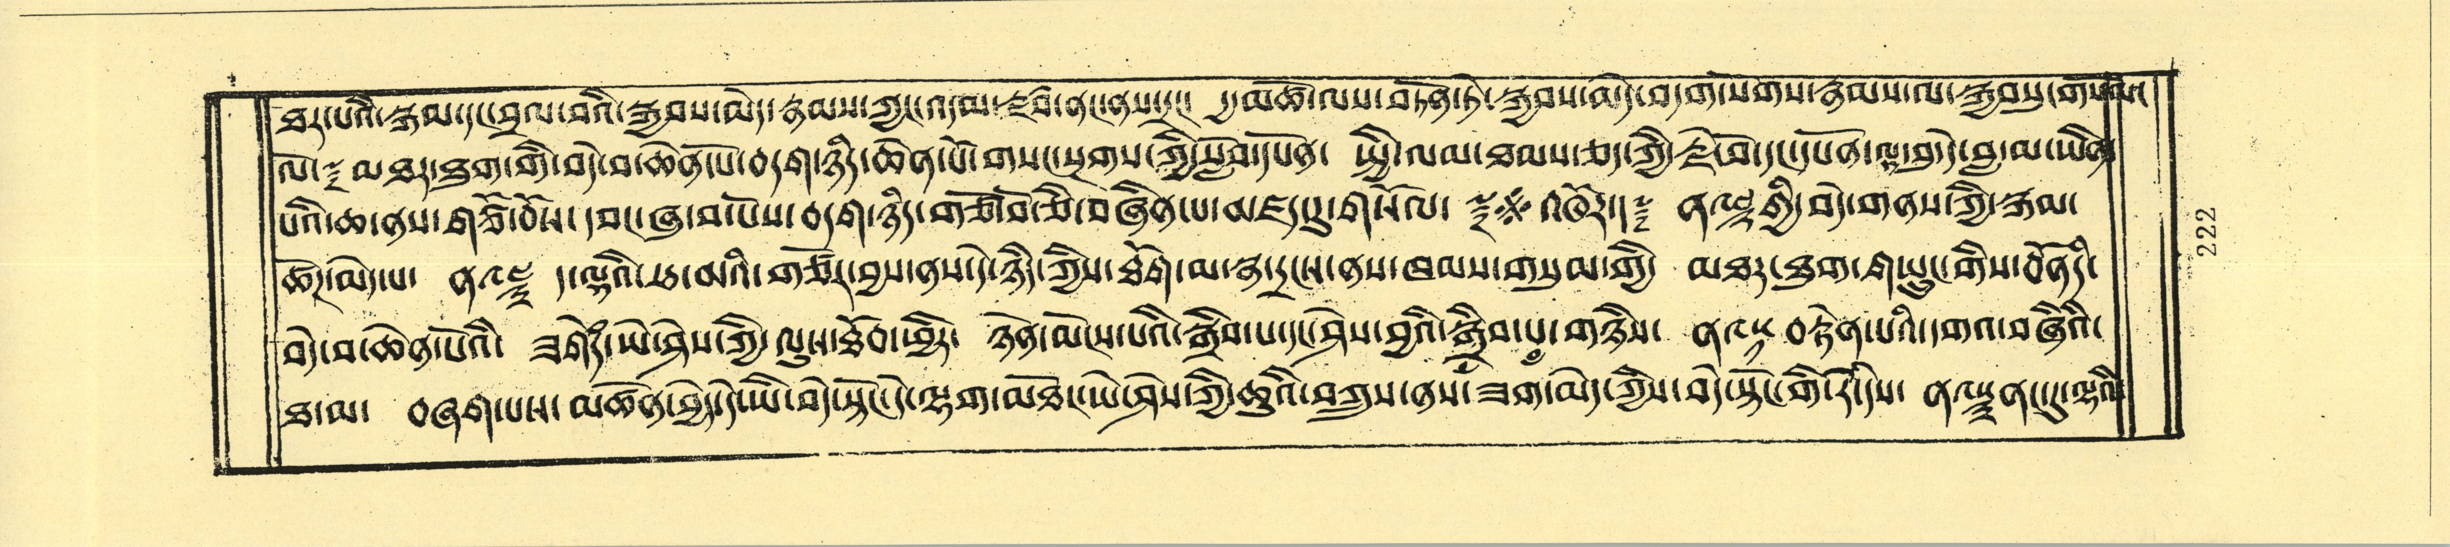ཐར་པའི་སྐམ་དང་བྲལ་བའི་སྐྱབས་མེད་རྣམས་ཀྱང་འདམ་རྫབ་ནང་ནས་དྲང། རྒྱ་མཚོ་ལས་བཏོན་ཏེ་སྐྱབས་མེད་བདག་སོགས་རྣམས་ལ་སྐྱབས་སུ་གསོལ་
ལོ། ༑ མཐར་ཐུག་གི་བདེ་བ་ཆེན་པོ་བདག་ཉིད་ཆེན་པོ་གསང་སྔགས་ཀྱི་སློབ་དཔོན། སྤྱི་ལམ་ཐམས་ཅད་ཀྱི་རྗེ་བོ་དང་དཔོན་ལྟ་བུ་དེ་བླ་མ་ཡིན་
པའི་ཆ་ནས་གཙོ་བོས་དབང་ཞུ་བ་པོས་བདག་ཉིད་གཙོ་བོ་ཅི་བཞིན་པ་མཛད་དུ་གསོལ་ ༑ འཁོར།༑ ན༩༤།༢ གྱི་བདེ་གནས་ཀྱི་སྐམ་
ཚོགས་མེད་པ། ན༩༤།༣ ད་ལྟའི་ ཕ་མའི་གཙོར་བྱས་ནས་དེ་ཉིད་ཀྱིས་ཐོག་མ་སྣ་དྲངས་ནས་ཁམས་གསུམ་གྱི། མཐར་ཐུག་གཡུང་དྲུང་གིས་བོན་ཉིད་
བདེ་བ་ཆེན་པོའི་ ཟག་མེད་ཡེ་ཤེས་ཀྱི་ལུས་ཐོབ་ཕྱིར། ཉོན་མོངས་པའི་སྒྲིབ་པ་དང་ཤེས་བྱའི་སྒྲིབ་པ་གཉིས། ན༩༥།༡ རྟེན་པའི་དགའ་བཞིའི་
ཐ་མ། ཞག་པས་མཚོན་བྱེད་དེ་ཡི་བདེ་སྟོང་དེ་ལྷག་མཐོང་ཡེ་ཤེས་ཀྱི་ཆུའི་བཀྲུས་ནས་ཟག་མེད་ཀྱིས་བདེ་སྟོང་གི་རོ་དེས། ན༩༥།༣ ནང་དུ་ལྷའི་